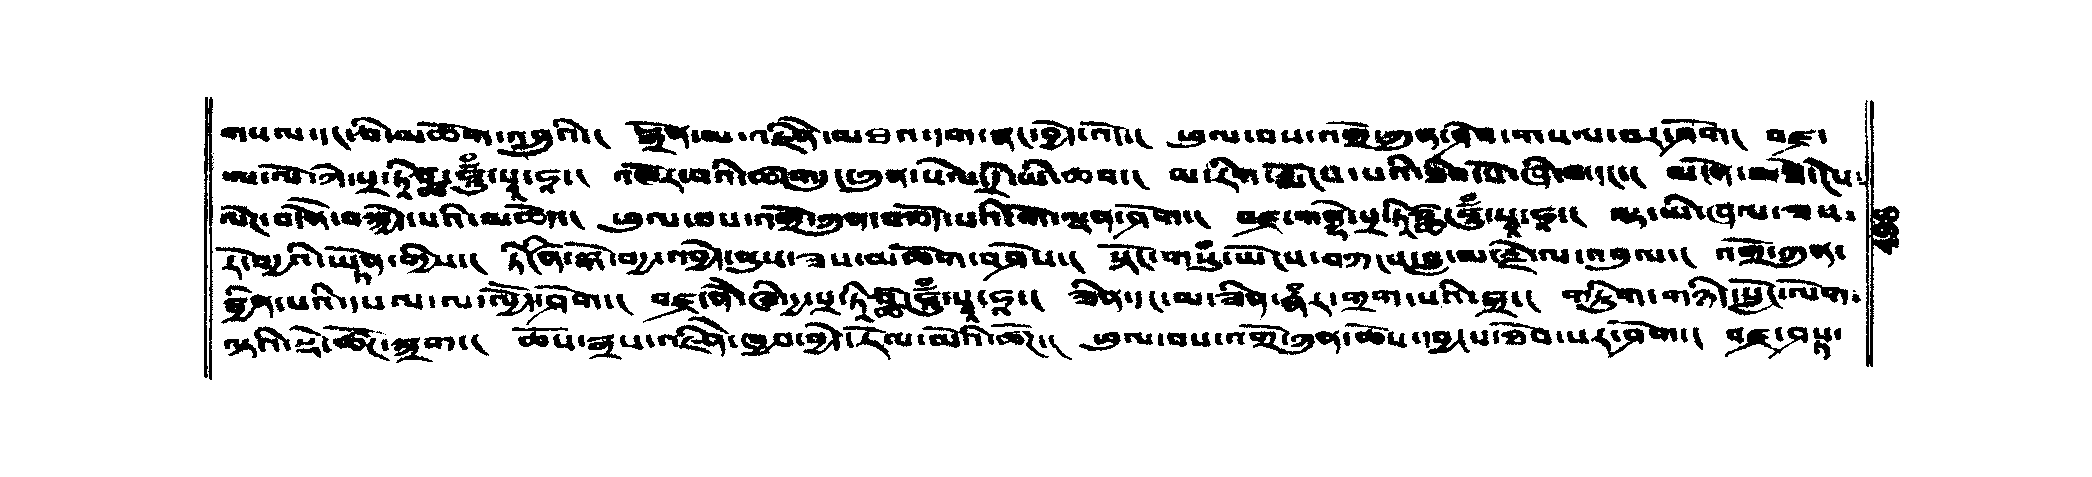གསལ་དང་ཅི་མཆོག་འབྲུའི། །སྒྲོན་མ་འཇིག་རྟེན་མཐའ་དག་སྣང་བྱེད་འོད། །ཕུལ་བས་འགྲོ་ཀུན་ཤེས་རབ་གསལ་བར་ཤོག་།བཛྲ་
ཨ་ལོ་ཀེ་པྲ་ཏཱིཙྪ་སྭཱ་ཧཱ། འཁོར་བའི་ཚ་གདུང་ཀུན་སེལ་དྲི་ལཡི་ཆབ། །མ་རིག་རྨོངས་པའི་ཐིབ་པོ་ཞི་བ་དང་། །མངོན་མཐོ་ངེས་
ལེགས་བདེ་ཆེན་བསྐྱེད་པའི་མཆོད། །ཕུལ་བས་འགྲོ་ཀུན་བཟོད་པའི་གོ་ལྡན་ཤོག་བཛྲ་གནྡྷེ་པྲ་ཏཱིཙྪ་སྭཱ་ཧཱ། ལྷ་ཡི་ཞལ་ཟས་
རོ་བརྒྱའི་ཡོན་ཏན་གྱིས། །ཏིང་འཛིན་སྒོ་བརྒྱ་འབྱེད་ནུས་ཟས་མཆོག་བཤོས། །སྟོང་གསུམ་ཡོངས་བཀང་བླ་མ་རྗེ་ལ་འབུལ། །འགྲོ་ཀུན་
སྦྱིན་པའི་དཔལ་ལ་ལོངས་སྤྱོད་ཤོག་།བཛྲ་ནཻ་ཝི་དྱ་པྲ་ཏཱིཙྪ་ཧཱུྃ་སྭཱ་ཧཱ། ཟིན་དང་མ་ཟིན་རྣམ་པར་གྲགས་པའི་སྒྲ་།གཏི་མུག་གཉིད་སློང་ལོག་
ལྟའི་སྡེ་ཚོགས་སྐྲག་།ཆོས་སྒྲས་འཇིག་རྟེན་ཁྱབ་བྱེད་རོལ་མོའི་ཚོགས། །ཕུལ་བས་འགྲོ་ཀུན་ཆོས་དབྱིངས་ཐོབ་པར་ཤོག་བཛྲ་ཤཔྟ་